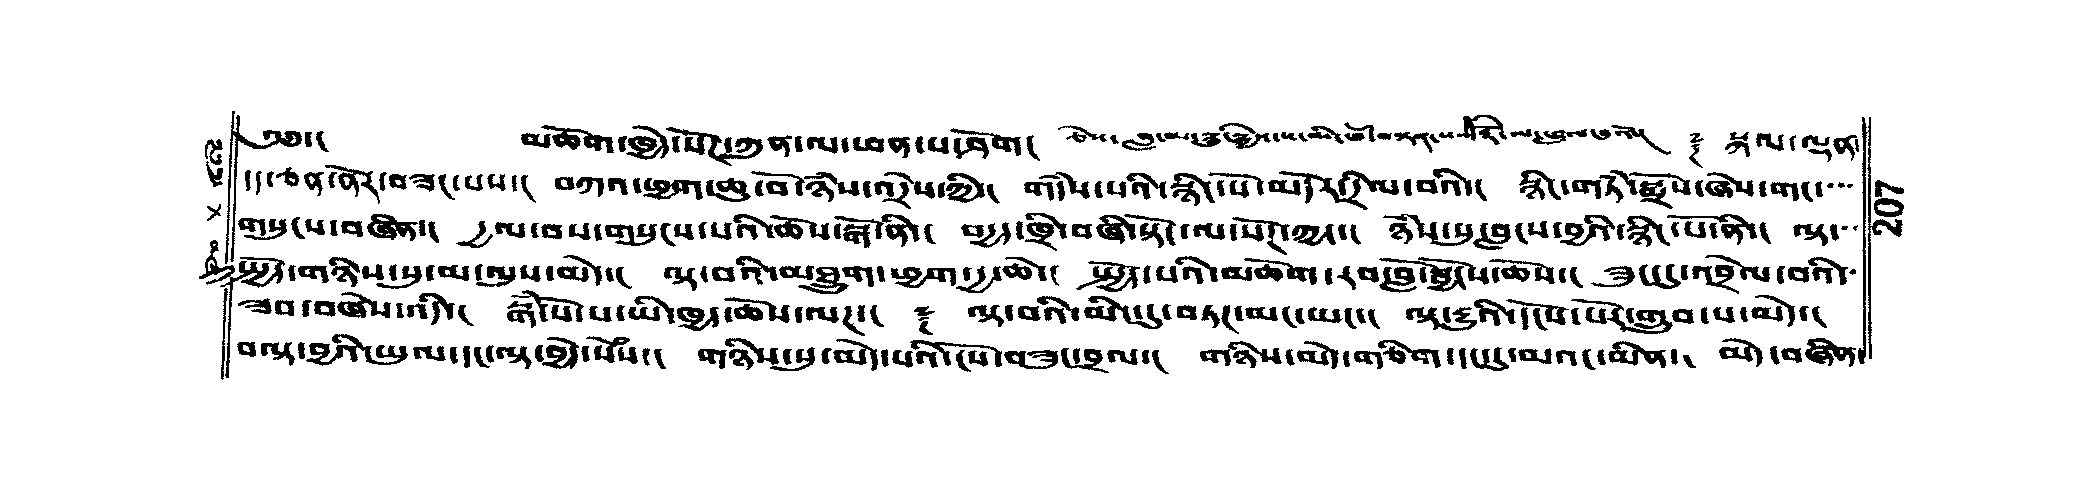མཆོག་ཁྱེད་སོགས་ཀུན་ལ་ཕན་པར་ཤོག ཅེས་བླ་མ་སྐུ་སྐྱེས་པ་མི་ཕམ་བསྟན་པའི་རྡོ་རྗེ་ལ་ཕུལ་བའོ།། ༈ སྐལ་ལྡན་
དད་ཅན་ནོར་བཟང་པས། །བཀའ་ཕྱག་ཆུ་བོ་མཉམ་འདྲེས་ཀྱི། །གདམས་པའི་སྙིང་པོ་མདོར་དྲིལ་བའི། །སྙིང་གཏམ་སྨྲོས་ཞེས་གང་
གསུངས་བཞིན། །རྒྱལ་བས་གསུངས་པའི་ཆོས་སྒོ་ནི། །བརྒྱད་ཁྲི་བཞི་སྟོང་ལ་སོགས་ཀྱང། །ཉམས་སུ་བླང་བྱའི་སྙིང་པོ་ནི། །ལྟ་
སྤྱོད་གཉིས་སུ་མ་ལུས་མེད། །ལྟ་བའི་མཐར་ཐུག་ཕྱག་རྒྱ་ཆེ། །སྤྱོད་པའི་མཆོག་རབ་བློ་སྦྱོངས་ཆོས། །ཟུང་དུ་འབྲེལ་བའི་
ཟབ་བཞེས་འདི། །སྒམ་པོ་པ་ཡི་ཁྱད་ཆོས་ལགས། ༈ །ལྟ་བའི་མིང་དུ་བཏགས་མང་ཡང་། །ལྟ་རྒྱུའི་དངོས་པོར་གྲུབ་པ་མེད། །
བལྟ་བྱའི་ཡུལ་དང་ལྟ་བྱེད་སེམས། །གཉིས་སུ་མེད་པའི་ངོས་བཟུང་བྲལ། །གཉིས་མེད་གཅིག་དང་དུ་མའང་མིན། །མེད་བཞིན་